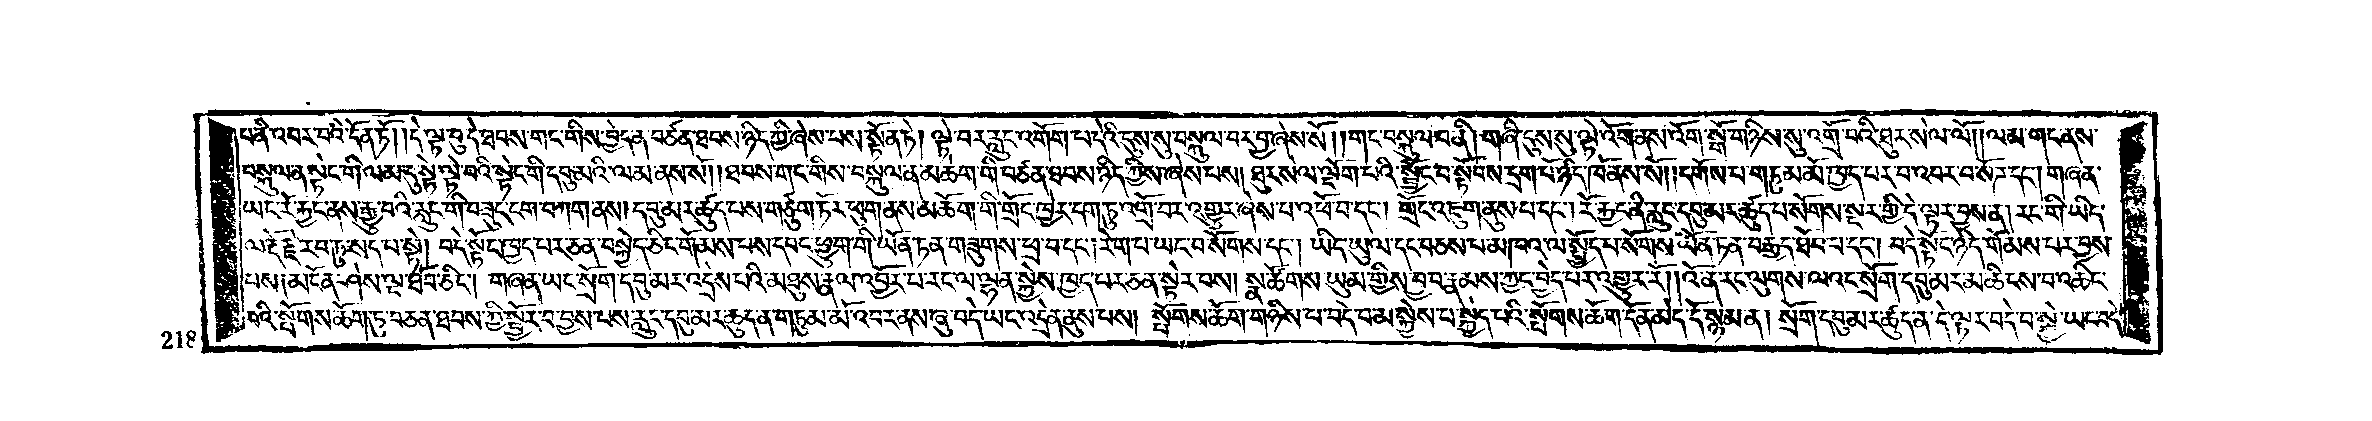པ་ནི་འབར་བའི་དོན་ཏོ། །དེ་ལྟ་བུ་དེ་ཐབས་གང་གིས་བྱེད་ན་བཙན་ཐབས་ཉིད་ཀྱི་ཞེས་པས་སྟོན་ཏེ། ལྟེ་བར་རླུང་འགོག་པ་དེའི་དུས་སུ་བསྐུལ་བར་བྱ་ཞེས་སོ། །གང་བསྐུལ་བ་ནི། གཞི་དུས་སུ་ལྟེ་འོག་ནས་འོག་སྒོ་གཉིས་སུ་འགྲོ་བའི་ཐུར་སེལ་ལོ། །ལམ་གང་ནས་
བསྐུལ་ན་སྟེང་གི་ལམ་དུ་སྟེ་ལྟེ་བའི་སྟེང་གི་དབུ་མའི་ལམ་ནས་སོ། །ཐབས་གང་གིས་བསྐུལ་ན་མཆོག་གི་བཙན་ཐབས་ཉིད་ཀྱིས་ཞེས་པས། ཐུར་སེལ་ལྡོག་པའི་སྦྱོར་བ་སྟོབས་དྲག་པོ་ཉིད་ཁོ་ནས་སོ། །དགོས་པ་གཏུམ་མོ་ཁྱད་པར་བ་འབར་བ་སོགས་དང་། གཞན་
ཡང་རོ་རྐྱང་ནས་རྒྱུ་བའི་རླུང་གི་བཟུང་ངག་བཀག་ནས། དབུ་མར་ཚུད་པས་གཙུག་ཏོར་ཕུག་ནས་མཆོག་གི་གྲོང་ཁྱེར་དག་ཏུ་འགྲོ་བར་འགྱུར་ཞེས་པ་འཕོ་བ་དང་། གྲོང་འཇུག་ནུས་པ་དང་། རོ་རྐྱང་ནི་རླུང་དབུ་མར་ཚུད་པ་སོགས་སྔར་གྱི་དེ་ལྟར་བྱས་ན། རང་གི་ཡིད་
ལ་རྡོ་རྗེ་རབ་ཏུ་སད་པ་སྟེ། བདེ་སྟོང་ཁྱད་པར་ཅན་བསྐྱེད་ཅིང་གོམས་པས་དབང་ཕྱུག་གི་ཡོན་ཏན་གཟུགས་ཕྲ་བ་དང་། རིག་པ་ཡང་བ་སོགས་དང་། ཡིད་ཡུལ་དང་བཅས་པ་མཁའ་ལ་སྤྱོད་པ་སོགས་ཡོན་ཏན་བརྒྱད་ཐོབ་པ་དང་། བདེ་སྟོང་ཉིད་གོམས་པར་བྱས་
པས། མངོན་ཤེས་ལྔ་ཐོབ་ཅིང་། གཞན་ཡང་སྲོག་དབུ་མར་འདྲེས་པའི་མཐུས་རྣལ་འབྱོར་པ་རང་ལ་ལྷན་སྐྱེས་ཁྱད་པར་ཅན་སྟེར་བས། སྣ་ཚོགས་ཡུམ་གྱིས་བྱ་བ་རྣམས་ཀྱང་བྱེད་པར་འགྱུར་རོ། །འོ་ན་རང་ལུགས་ལའང་སྲོག་དབུ་མར་མ་ཆིངས་པ་འཆིང་
པའི་སྤོགས་ཆོག་ཏུ་བཅན་ཐབས་ཀྱི་སྦྱོར་བ་བྱས་པས་རླུང་དབུ་མར་ཆུད་ན་གཏུམ་མོ་འབར་ནས་ཞུ་བདེ་ཡང་འདྲེན་ནུས་པས། སྤོགས་ཆོག་གཉིས་པ་བདེ་བ་མ་སྐྱེས་པ་སྐྱེད་པའི་སྤོགས་ཆོག་དོན་མེད་དོ་སྙམ་ན། སྲོག་དབུ་མར་ཚུད་ན་དེ་ལྟར་བདེ་བ་སྐྱེ་ཡང་བདེ་